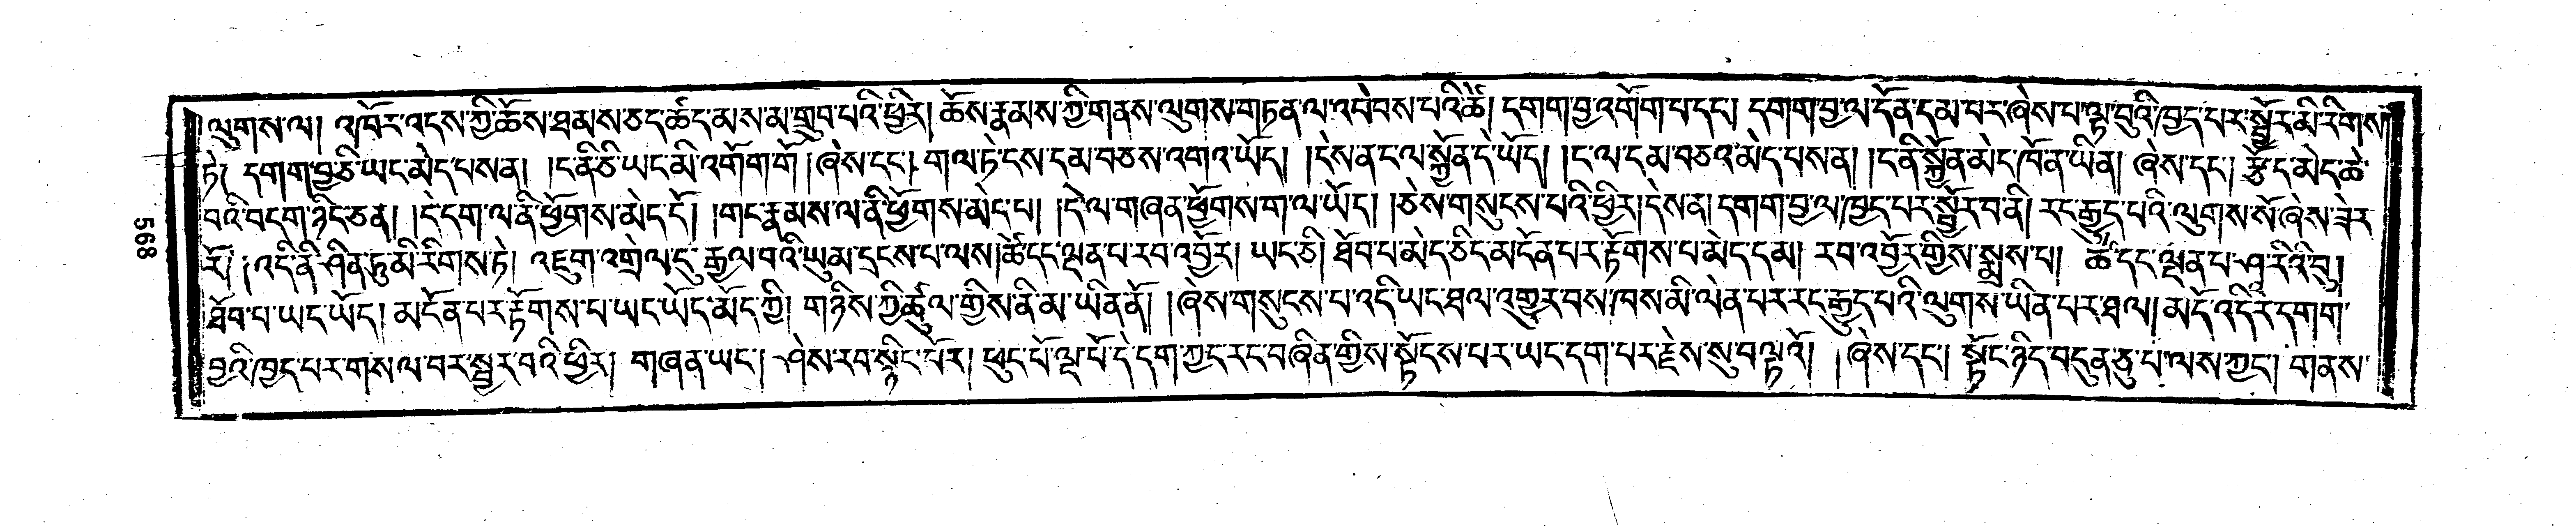ལུགས་ལ། འཁོར་འདས་ཀྱི་ཆོས་ཐམས་ཅད་ཚད་མས་མ་གྲུབ་པའི་ཕྱིར། ཆོས་རྣམས་ཀྱི་གནས་ལུགས་གཏན་ལ་འབེབས་པའི་ཚེ། དགག་བྱ་འགོག་པ་དང་། དགག་བྱ་ལ་དོན་དམ་པར་ཞེས་པ་ལྟ་བུའི་ཁྱད་པར་སྦྱོར་མི་རིགས་
ཏེ། དགག་བྱ་ཅི་ཡང་མེད་པས་ན། །ང་ནི་ཅི་ཡང་མི་འགོག་གོ །ཞེས་དང་། གལ་ཏེ་ངས་དམ་བཅས་འགའ་ཡོད། །དེས་ན་ང་ལ་སྐྱོན་དེ་ཡོད། །ང་ལ་དམ་བཅའ་མེད་པས་ན། །ང་ནི་སྐྱོན་མེད་ཁོ་ན་ཡིན། ཞེས་དང་། རྩོད་མེད་ཆེ་
བའི་བདག་ཉིད་ཅན། །དེ་དག་ལ་ནི་ཕྱོགས་མེད་དོ། །གང་རྣམས་ལ་ནི་ཕྱོགས་མེད་པ། །དེ་ལ་གཞན་ཕྱོགས་ག་ལ་ཡོད། །ཅེས་གསུངས་པའི་ཕྱིར། དེས་ན། དགག་བྱ་ལ་ཁྱད་པར་སྦྱོར་བ་ནི། རང་རྒྱུད་པའི་ལུགས་སོ་ཞེས་ཟེར་
རོ། །འདི་ནི་ཤིན་ཏུ་མི་རིགས་ཏེ། འཇུག་འགྲེལ་དུ་རྒྱལ་བའི་ཡུམ་དྲངས་པ་ལས། ཚེ་དང་ལྡན་པ་རབ་འབྱོར། ཡང་ཅི། ཐོབ་པ་མེད་ཅིང་མངོན་པར་རྟོགས་པ་མེད་དམ། རབ་འབྱོར་གྱིས་སྨྲས་པ། ཚེ་དང་ལྡན་པ་ཤཱ་རིའི་བུ།
ཐོབ་པ་ཡང་ཡོད། མངོན་པར་རྟོགས་པ་ཡང་ཡོད་མོད་ཀྱི། གཉིས་ཀྱི་ཚུལ་གྱིས་ནི་མ་ཡིན་ནོ། །ཞེས་གསུངས་པ་འདི་ཡང་ཐལ་འགྱུར་བས་ཁས་མི་ལེན་པར་རང་རྒྱུད་པའི་ལུགས་ཡིན་པར་ཐལ། མདོ་འདིར་དགག་
བྱའི་ཁྱད་པར་གསལ་བར་སྦྱོར་བའི་ཕྱིར། གཞན་ཡང་། ཤེས་རབ་སྙིང་པོར། ཕུང་པོ་ལྔ་པོ་དེ་དག་ཀྱང་རང་བཞིན་གྱིས་སྟོངས་པར་ཡང་དག་པར་རྗེས་སུ་བལྟའོ། །ཞེས་དང་། སྟོང་ཉིད་བདུན་ཅུ་པ་ལས་ཀྱང་། གནས་